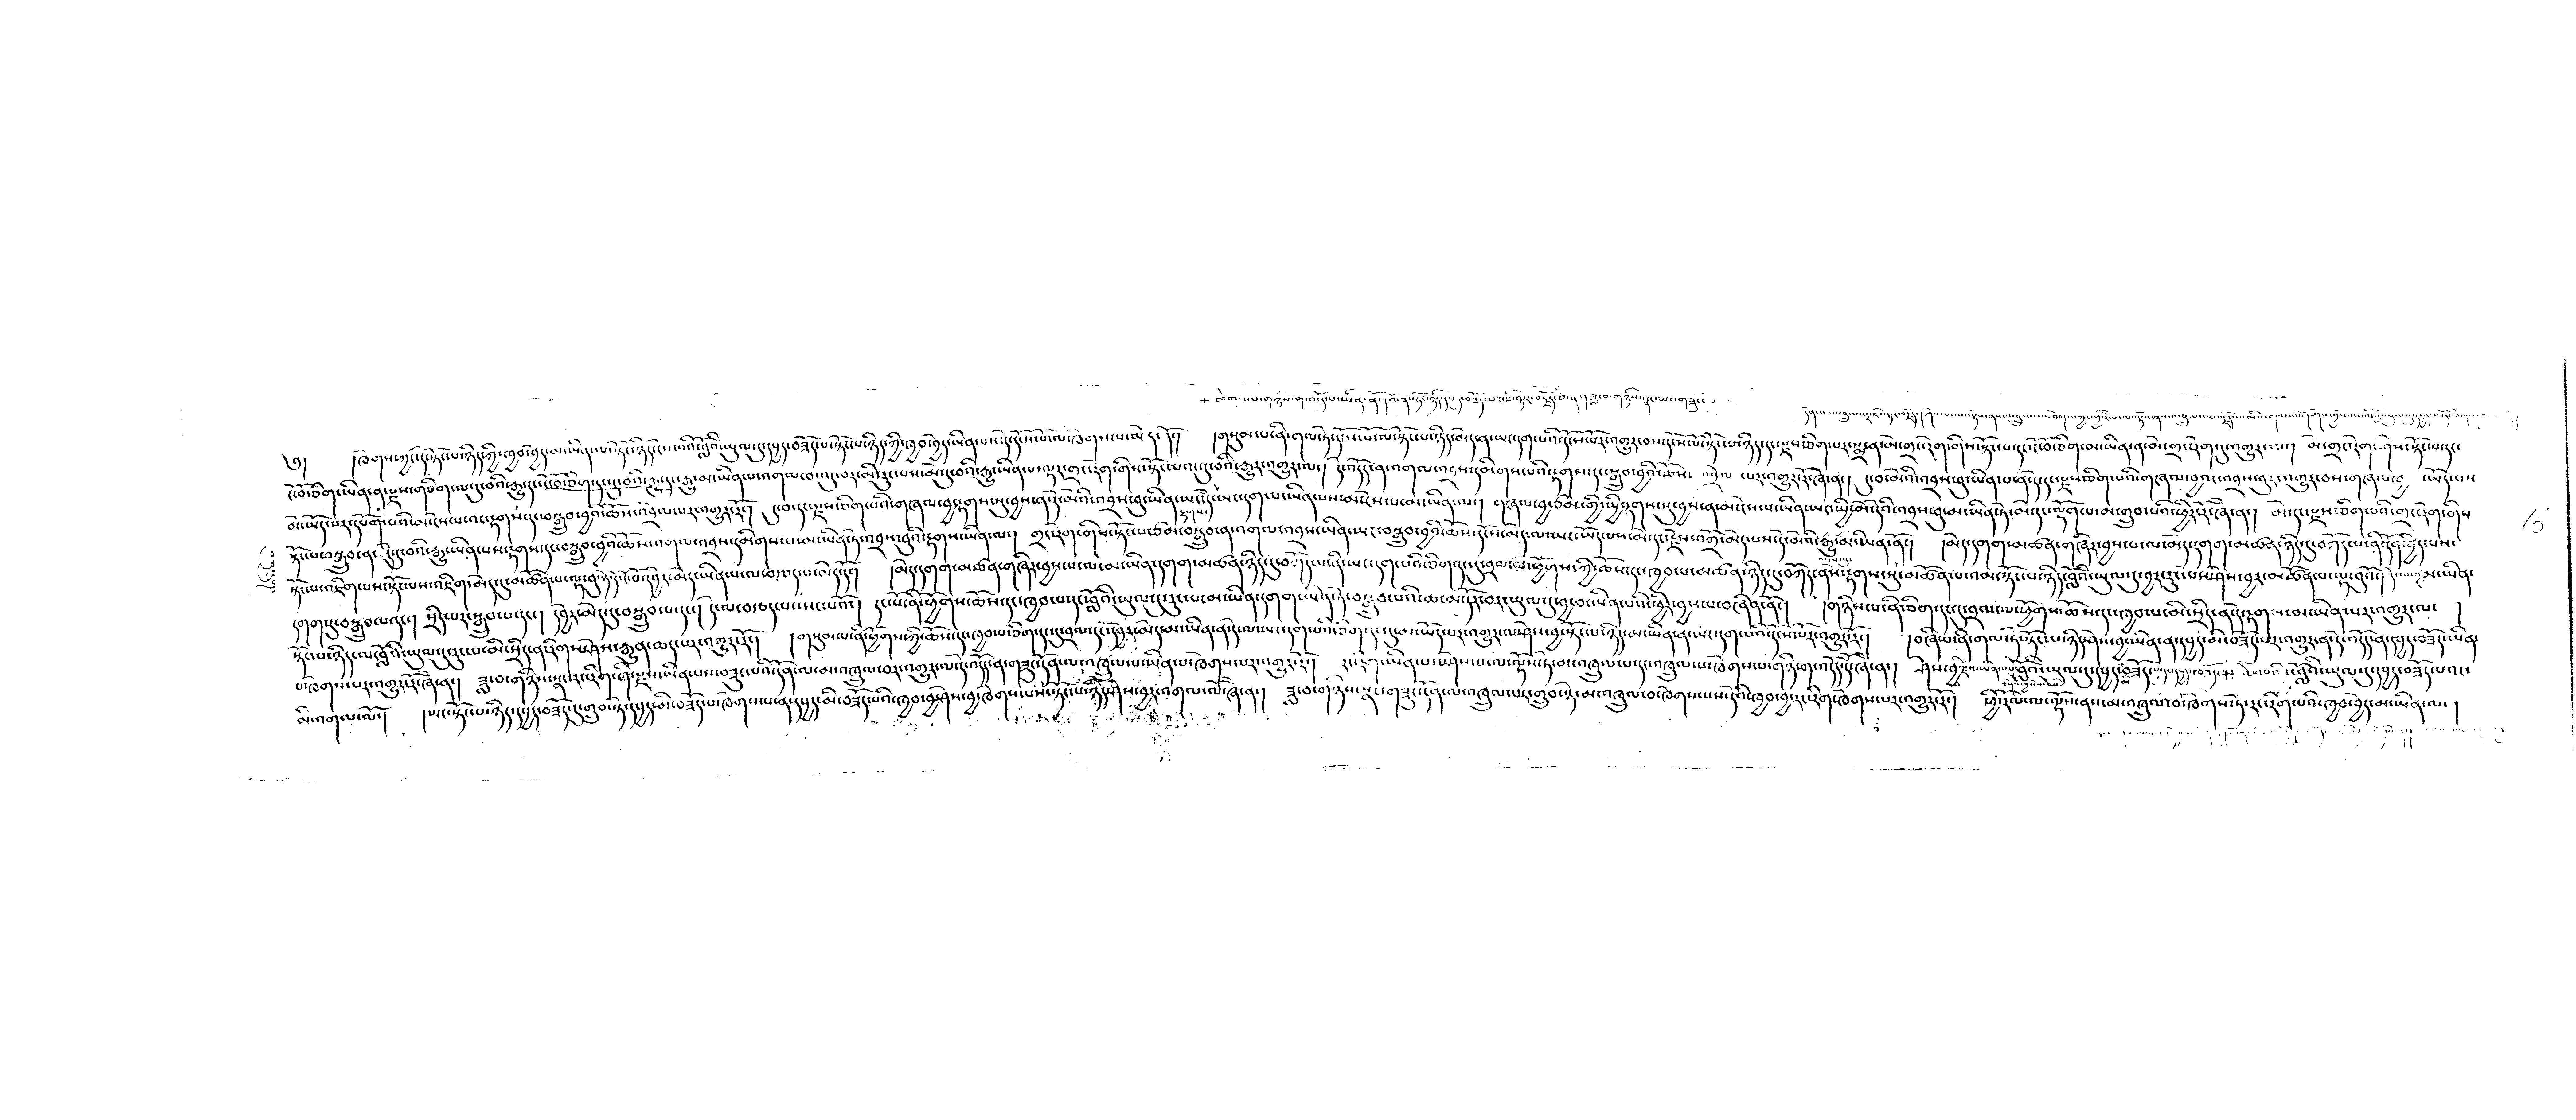༈། །ཁེགས་ཀྱང་དེ་སྟོང་པ་ཉིད་ཀྱི་ཁྱབ་བྱེད་མ་ཡིན་པ་སྟོང་ཉིད་ངེས་པའི་བློའི་ཡུལ་དུ་དཔྱད་བཟོད་པ་སྟོང་པ་ཉིད་ཀྱི་ཁྱབ་བྱེད་ཡིན་པས་དེ་དངོས་པོ་ལ་ཁེགས་པ་མེད་དོ། །གསུམ་པ་ནི་གལ་ཏེ་དངོས་པོ་ལ་སྟོང་པ་ཉིད་མེད་ན་ཡང་དག་པའི་དངོས་པོར་འགྱུར་བས་དངོས་པོ་སྟོང་པ་ཉིད་དང་རྫས་ཅིག་པར་སྨྲ་ན་མེ་གྲང་རོག་གིས་སྟོང་པ་དང་ངོ་བོ་ཅིག་མ་ཡིན་ན་མེ་གྲང་རེག་དུ་འགྱུར་ལ། མེ་གྲང་རེག་གིས་སྟོང་པ་དང་
ངོ་བོ་ཅིག་ཡིན་ན་རྫས་གཅིག་ལ་དུ་བའི་རྒྱུ་དང་ངོ་བོ་ཅིག་དང་དུ་བའི་རྒྱུ་དང་རྒྱུ་མ་ཡིན་པ་འགལ་བ་འདུ་བར་མི་རུང་པས་མེ་དུ་བའི་རྒྱུ་ཡིན་པ་ལྟར་གྲང་རེག་གིས་སྟོང་པའང་དུ་བའི་རྒྱུར་འགྱུར་ལ། དེ་འདོད་ན་འགལ་འབྲས་དམིགས་པའི་རྟགས་དང་སྒྲུབ་བྱའི་ཆོས་འབྲེལ་པར་འགྱུར་རོ་ཞེ་ན། དུ་བ་མེའི་འབྲས་བུ་ཡིན་པ་ན་དེ་དང་རྫས་ཅིག་པའི་གཞལ་བྱའང་འབྲས་བུར་འགྱུར་བས་གཞལ་བྱ་ཡོད་པས་
མེ་ཡོད་པར་དཔོག་པའི་མ་ངེས་པ་འང་རྟགས་དང་བསྒྲུབ་བྱའི་ཆོས་འབྲེལ་པར་འགྱུར་རོ། དུ་བ་དང་རྫས་ཅིག་པའི་གཞལ་བྱ་རྟགས་སུ་བྱས་ན་དེ་མེའི་འབྲས་བུ་ཡིན་ཡང་རྟགས་དེ་ཡང་དག་པ་ཡིན་པས་མ་ངེས་པ་མ་ཡིན་ལ། གཞལ་བྱ་ཙམ་གྱི་སྤྱི་རྟགས་སུ་བྱས་ན་མ་ངེས་པ་ཡིན་ཡང་སྤྱི་མེ་དེའི་འབྲས་བུ་མ་ཡིན་ཏེ་མེ་དང་ལྡོག་པ་མ་གྲུབ་པའི་ཕྱིར་རོ་ཞེ་ན། མེ་དང་རྫས་ཅིག་པའི་གྲང་རེག་གིས་
སྟོང་པ་བསྒྲུབ་ན་དེ་དུ་བའི་རྒྱུ་ཡིན་པས་རྟགས་དང་བསྒྲུབ་བྱའི་ཆོས་འགལ་འབྲས་དམིགས་པ་མ་ཡིན་ཏེ་འབྲས་བུའི་རྟགས་ཡིན་ལ། གྲང་རེག་གིས་སྟོང་པ་ཙམ་བསྒྲུབ་ན་འགལ་འབྲས་ཡིན་ཡང་བསྒྲུབ་བྱའི་ཆོས་དངོས་མེད་ལ་ཡང་ཡོད་པས་མེ་དང་རྗེས་འགྲོ་མེད་པས་དེ་མེའི་རྒྱུ་འབྲས་བུ་མ་ཡིན་ནོ། །མེད་དགག་མཚན་གཞིར་བྱས་པ་ལ་མེད་དགག་མཚན་ཉིད་དུ་བཀོད་པ་ནི་དོན་བྱེད་པས་
སྟོང་པ་འཇིག་པས་སྟོང་པས་འཇིག་མེད་དུ་མཚོན་པ་ལྟ་བུ་སྟེ་དེ་ངོ་བོ་དབྱེར་མེད་ཡིན་པ་ལ་བརྩད་པ་མེད་དོ། །མེད་དགག་མཚན་གཞིར་བྱས་པ་ལ་མ་ཡིན་དགག་མཚན་ཉིད་དུ་བཀོད་པ་ནི་ཡང་དག་པའི་ཅིག་དང་བྲལ་ལ་ཕྱོགས་ཀྱི་ཆོས་དང་ཁྱབ་པ་མཚན་ཉིད་དུ་བཀོད་ནས་རྟགས་སུ་མཚོན་པ་འམ་སྟོང་པ་ཉིད་བློའི་ཡུལ་དུ་བྱར་རུང་པས་ཤེས་བྱར་མཚོན་པ་ལྟ་བུའོ། དེ་ལ་སྔ་མ་ཡིན་
དགག་དུ་བསྒྲུབ་པ་དང་། སྲིད་པར་སྒྲུབ་པ་དང་། དབྱེར་མེད་དུ་བསྒྲུབ་པ་དང་། དེ་ལ་བརྩད་པ་སྤང་པའོ། དང་པོ་ནི་ཕྱོགས་ཆོས་དང་ཁྱབ་པ་དང་བློའི་ཡུལ་དུ་རུང་པ་མ་ཡིན་དགག་ཡིན་ཏེ་བསྒྲུབ་པའི་ཆ་མ་དོར་བར་ཡུལ་དུ་བྱ་བ་ཡིན་པའི་ཕྱིར་བྱས་པ་བཞིན་ནོ། །གཉིས་པ་ནི་ཅིག་དང་དུ་བྲལ་ལ་ཕྱོགས་ཆོས་དང་ཁྱབ་པ་མི་སྲིད་ན་དེ་རྟགས་མ་ཡིན་པར་འགྱུར་ལ་།
སྟོང་པ་ཉིད་ལ་བློའི་ཡུལ་དུ་རུང་བ་མི་སྲིད་ན་རིགས་ཤེས་རྒྱུན་ཆད་པར་འགྱུར་རོ། །གསུམ་པ་ནི་ཕྱོགས་ཀྱི་ཆོས་དང་ཁྱབ་པ་ཅིག་དང་དུ་བྲལ་དང་དབྱེར་མེད་མ་ཡིན་ན་དེ་ལ་ཡང་དག་པའི་ཅིག་དང་དུ་མ་ཡོད་པར་འགྱུར་ལ་ཤེས་བྱ་སྟོང་པ་ཉིད་མ་ཡིན་ན་ཡང་དག་པའི་དངོས་པོར་འགྱུར་རོ། །བཞི་པ་ནི་གལ་ཏེ་སྟོང་པ་ཉིད་ཤེས་བྱ་ཡིན་ན་དཔྱད་མི་བཟོད་པར་འགྱུར་ན་དེ་འདོད་ན་དཔྱད་བཟོད་ཡིན་
པ་ཁེགས་པར་འགྱུར་རོ་ཞེ་ན། ཟླ་བ་གཉིས་སྣང་རང་རིག་གི་རྫས་ཡིན་པས་བཟུང་པའི་དོན་ལ་མ་འཁྲུལ་བར་འགྱུར་ལ་དེ་འདོད་ན་གཟུང་དོན་ལ་འཁྲུལ་པ་ཡིན་པ་ཁེགས་པར་འགྱུར་རོ། རང་རིག་ཡིན་པ་ཤེས་པ་ལ་ལྟོས་ཏེ་མ་འཁྲུལ་པ་ཁེགས་པ་གཉི་ག་འདོད་དོ་ཞེ་ན། ཤེས་བྱའི་རྫས་ཡིན་པའི་ཤེས་བྱ་བའི་བློའི་ཡུལ་དུ་དཔྱད་མ་བཟོད་པ་དང་དཔྱད་བཟོད་པ་ངེས་པའི་བློའི་ཡུལ་དུ་དཔྱད་བཟོད་པའང་
མི་འགལ་ལོ། །ཡང་སྟོང་པ་ཉིད་དཔྱད་བཟོད་དུ་གྲུབ་ཏེ་དཔྱད་མི་བཟོད་པ་ཁེགས་པ་ན་དཔྱད་མི་བཟོད་པའི་ཁྱབ་བྱ་ཤེས་བྱ་ཁེགས་པས་སྟོང་པ་ཉིད་ཤེས་བྱར་འགལ་ལོ་ཞེ་ན། ཟླ་བ་གཉིས་སྣང་གཟུང་དོན་ལ་འཁྲུལ་པར་གྲུབ་སྟེ་མ་འཁྲུལ་བ་ཁེགས་པས་དེའི་ཁྱབ་བྱ་རང་རིག་ཁེགས་པར་འགྱུར་རོ། ཕྱི་རོལ་ལ་ལྟོས་ནས་མ་འཁྲུལ་བ་ཁེགས་ཏེ་རང་རིག་པའི་ཁྱབ་བྱེད་མ་ཡིན་ལ།